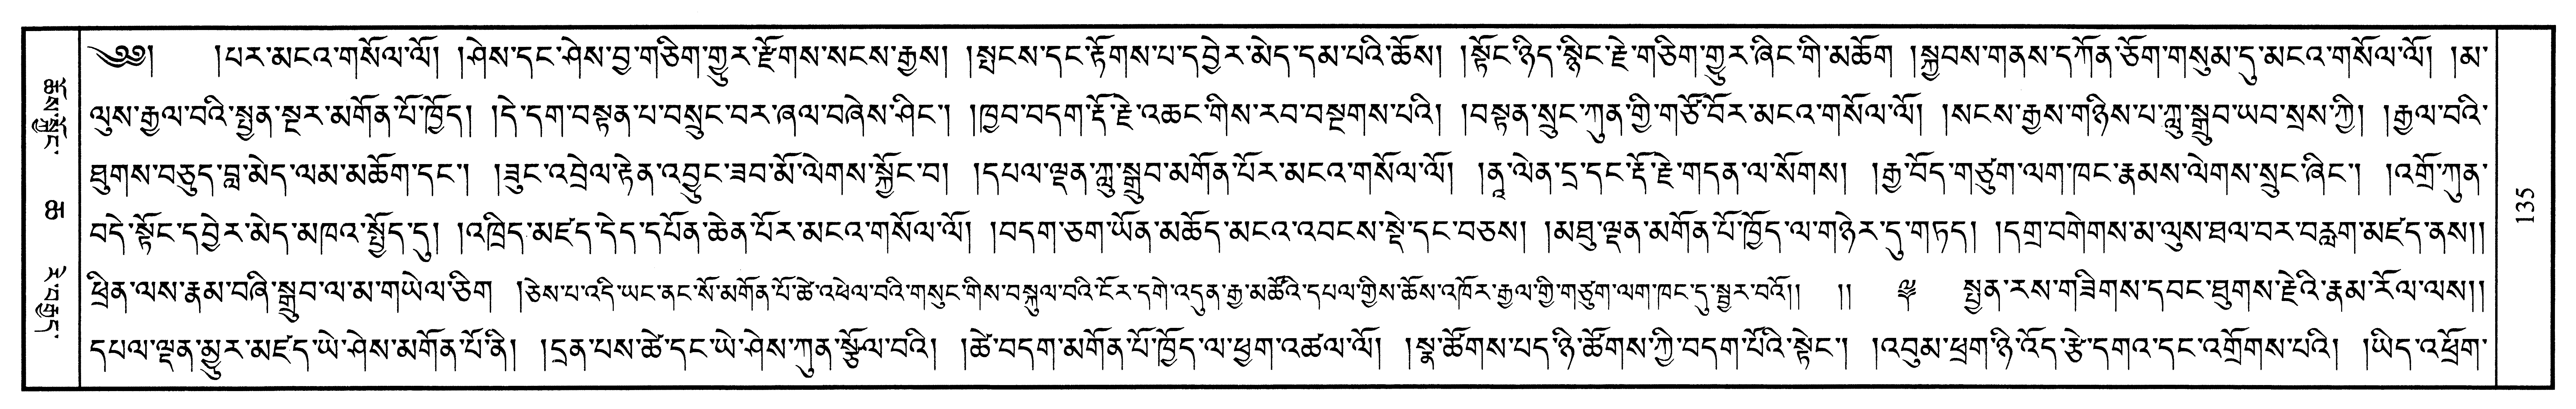༄༅། །པར་མངའ་གསོལ་ལོ། །ཤེས་དང་ཤེས་བྱ་གཅིག་གྱུར་རྫོགས་སངས་རྒྱས། །སྤངས་དང་རྟོགས་པ་དབྱེར་མེད་དམ་པའི་ཆོས། །སྟོང་ཉིད་སྙིང་རྗེ་གཅིག་གྱུར་ཞིང་གི་མཆོག །སྐྱབས་གནས་དཀོན་ཅོག་གསུམ་དུ་མངའ་གསོལ་ལོ། །མ་
ལུས་རྒྱལ་བའི་སྤྱན་སྔར་མགོན་པོ་ཁྱོད། །དེ་དག་བསྟན་པ་བསྲུང་བར་ཞལ་བཞེས་ཤིང་། །ཁྱབ་བདག་རྡོ་རྗེ་འཆང་གིས་རབ་བསྔགས་པའི། །བསྟན་སྲུང་ཀུན་གྱི་གཙོ་བོར་མངའ་གསོལ་ལོ། །སངས་རྒྱས་གཉིས་པ་ཀླུ་སྒྲུབ་ཡབ་སྲས་ཀྱི། །རྒྱལ་བའི་
ཐུགས་བཅུད་བླ་མེད་ལམ་མཆོག་དང་། །ཟུང་འབྲེལ་རྟེན་འབྱུང་ཟབ་མོ་ལེགས་སྐྱོང་བ། །དཔལ་ལྡན་ཀླུ་སྒྲུབ་མགོན་པོར་མངའ་གསོལ་ལོ། །ནཱ་ལེན་དྲ་དང་རྡོ་རྗེ་གདན་ལ་སོགས། །རྒྱ་བོད་གཙུག་ལག་ཁང་རྣམས་ལེགས་སྲུང་ཞིང་། །འགྲོ་ཀུན་
བདེ་སྟོང་དབྱེར་མེད་མཁའ་སྤྱོད་དུ། །འཁྲིད་མཛད་དེད་དཔོན་ཆེན་པོར་མངའ་གསོལ་ལོ། །བདག་ཅག་ཡོན་མཆོད་མངའ་འབངས་སྡེ་དང་བཅས། །མཐུ་ལྡན་མགོན་པོ་ཁྱོད་ལ་གཉེར་དུ་གཏད། །དགྲ་བགེགས་མ་ལུས་ཐལ་བར་བརླག་མཛད་ནས།།
ཕྲིན་ལས་རྣམ་བཞི་སྒྲུབ་ལ་མ་གཡེལ་ཅིག །ཅེས་པ་འདི་ཡང་ནང་སོ་མགོན་པོ་ཚེ་འཕེལ་བའི་གསུང་གིས་བསྐུལ་བའི་ངོར་དགེ་འདུན་རྒྱ་མཚོའི་དཔལ་གྱིས་ཆོས་འཁོར་རྒྱལ་གྱི་གཙུག་ལག་ཁང་དུ་སྦྱར་བའོ།། །། ༈ སྤྱན་རས་གཟིགས་དབང་ཐུགས་རྗེའི་རྣམ་རོལ་ལས།།
དཔལ་ལྡན་མྱུར་མཛད་ཡེ་ཤེས་མགོན་པོ་ནི། །དྲན་པས་ཚེ་དང་ཡེ་ཤེས་ཀུན་སྩོལ་བའི། །ཚེ་བདག་མགོན་པོ་ཁྱོད་ལ་ཕྱག་འཚལ་ལོ། །སྣ་ཚོགས་པད་ཉི་ཚོགས་ཀྱི་བདག་པོའི་སྟེང་། །འབུམ་ཕྲག་ཉི་འོད་རྩེ་དགའ་དང་འགྲོགས་པའི། །ཡིད་འཕྲོག་